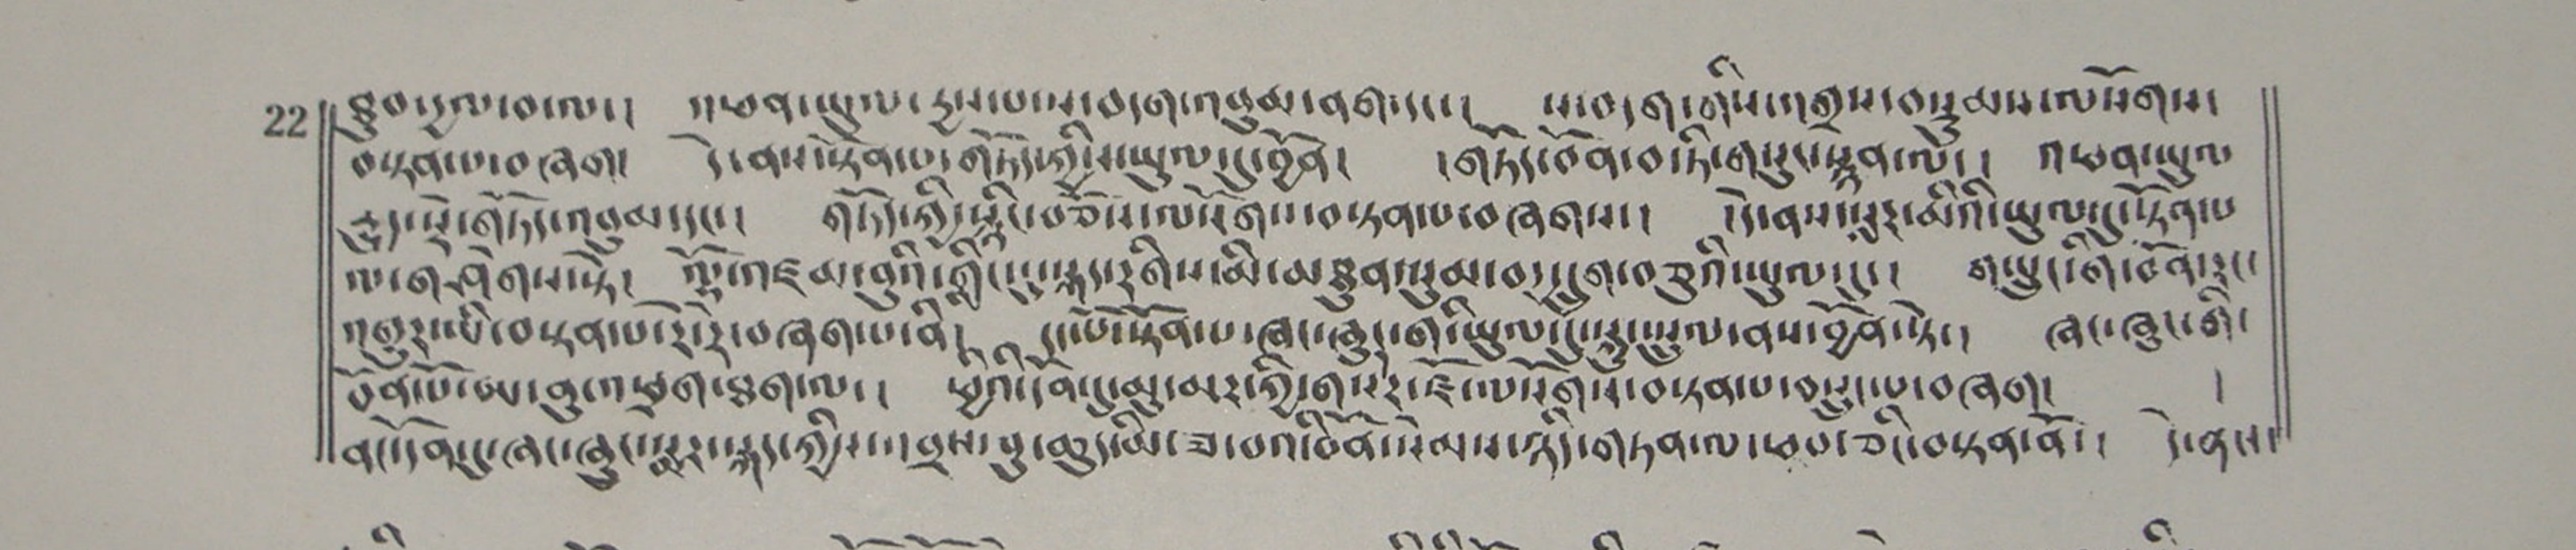ཐུབ་རྒྱལ་བ་ལ། འཕན་ཡུལ་རྒྱས་བ་ས་བདག་འབུམ་ནག་དང་། ས་བདག་གིས་འགྲས་བསྡུམས་ལས་སོགས་
བསྟན་པ་བཞགས། དེ་ནས་སྟོན་པ་གཏོད་ཀྱི་ཡུལ་དུ་བྱོན་ནས། གཏོད་བོན་བ་ཏི་གསུང་སྙན་ལ། འཕན་ཡུལ་
རྒྱུད་སྡེ་གཏོད་འབུམ་དང་། གཏོད་ཀྱི་སྙིང་བཅོས་ལས་སོགས་བསྟན་པར་བཞག དེ་ནས་སླར་མིའི་ཡུལ་དུ་སྟོན་པ་
ལ་གཤེགས་ཏེ། ལྷོ་འཛམ་བུའི་གླིང་དུ་སྐད་རིགས་མི་མཐུན་སུམ་བརྒྱ་དྲུག་བཅུའི་ཡུལ་དུ། གཡུང་དྲུང་གི་བོན་རང་
འགྱུར་གྱི་བསྟན་པ་རེ་རེ་བཞག་པ་ནི། དང་པོ་སྟོན་པ་ཞང་ཞུང་གི་ཡུལ་དུ་སྐུ་སྤྲུལ་ནས་བྱོན་ཏེ། ཞང་ཞུང་གི་
བོན་པོ་ཨ་ནུ་འཕྲག་ཐག་ལ། ཕྱིའི་དོན་སུ་མུ་མར་གསེར་ཛྭོ་ལས་སོགས་བསྟན་པ་བསྲུངས་པ་བཞག 
ནང་དོན་དུ་ཞང་ཞུང་སྨར་སྐད་ཀྱི་འབྲས་བུ་ཆུད་མི་ཟ་བའི་བོན་སེམས་ཉིད་གཏན་ལ་ཕབས་ཅིང་བསྟན་ནོ། །དེ་ནས་